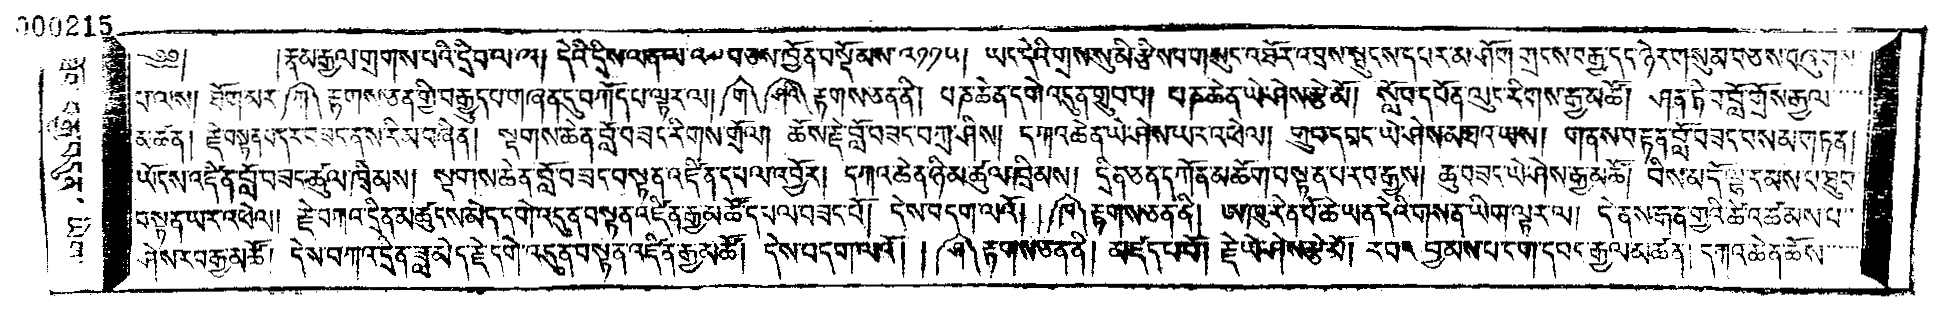༄༅། །རྣམ་རྒྱལ་གྲགས་པའི་དྲི་བ་ལ ༣། དེའི་དྲིས་ལན་ལ ༩༧་བཅས་ཁྱོན་བསྡོམས ༢༡༡༥། ཡང་དེའི་གྲས་སུ་མི་ཙིས་པ་གསུང་འཐོར་འབྲས་སྤུངས་དཔར་མ་ཤོག་གྲངས་བརྒྱ་དང་ཉེར་གསུམ་བཅས་བཞུགས་
པ་ལས། ཐོག་མར ༼ཀ༽ རྟགས་ཅན་གྱི་བརྒྱུད་པ་གཞན་དུ་བཀོད་པ་ལྟར་ལ། ༼ག༽ ཤའི་རྟགས་ཅན་ནི། པཎ་ཆེན་དགེ་འདུན་གྲུབ་པ། པཎ་ཆེན་ཡེ་ཤེས་རྩེ་མོ། སློབ་དཔོན་ལུང་རིགས་རྒྱ་མཚོ། ཤན་ཏི་བ་བློ་གྲོས་རྒྱལ་
མཚན། རྗེ་བསྟན་པ་དར་བཟང་ནས་རིམ་བཞིན། སྔགས་ཆེན་བློ་བཟང་རིགས་གྲོལ། ཆོས་རྗེ་བློ་བཟང་བཀྲ་ཤིས། དཀའ་ཆེན་ཡེ་ཤེས་ཡར་འཕེལ། གྲུབ་དབང་ཡེ་ཤེས་མཐའ་ཡས། གནས་བརྟན་བློ་བཟང་བསམ་གཏན།
ཡོངས་འཛིན་བློ་བཟང་ཚུལ་ཁྲིམས། སྔགས་ཆེན་བློ་བཟང་བསྟན་འཛིན་དཔལ་འབྱོར། དཀའ་ཆེན་ཉི་མ་ཚུལ་ཁྲིམས། དྲིན་ཅན་དཀོན་མཆོག་བསྟན་པ་རབ་རྒྱས། ཆུ་བཟང་ཡེ་ཤེས་རྒྱ་མཚོ། བིས་མ་དོ་ལྷ་རམས་པ་ཐུབ་
བསྟན་ཡར་འཕེལ། རྗེ་བཀའ་དྲིན་མཚུངས་མེད་དགེ་འདུན་བསྟན་འཛིན་རྒྱ་མཚོ་དཔལ་བཟང་པོ། ངེས་བདག་ལའོ། །༼ཁ༽ རྟགས་ཅན་ནི། ཨ་ཁུ་རིན་པོ་ཆེ་ཡན་དེའི་གསན་ཡིག་ལྟར་ལ། དེ་ནས་རྒན་གྱའི་ཚེ་འཚམས་པ་
ཤེས་རབ་རྒྱ་མཚོ། དེས་བཀའ་དྲིན་ཟླ་མེད་རྗེ་དགེ་འདུན་བསྟན་འཛིན་རྒྱ་མཚོ། དེས་བདག་ལའོ། །༼ཤ༽ རྟགས་ཅན་ནི། མཛད་པ་པོ། རྗེ་ཡེ་ཤེས་རྩེ་མོ། རབ་འབྱམས་པ་ངག་དབང་རྒྱལ་མཚན། དཀའ་ཆེན་ཆོས་